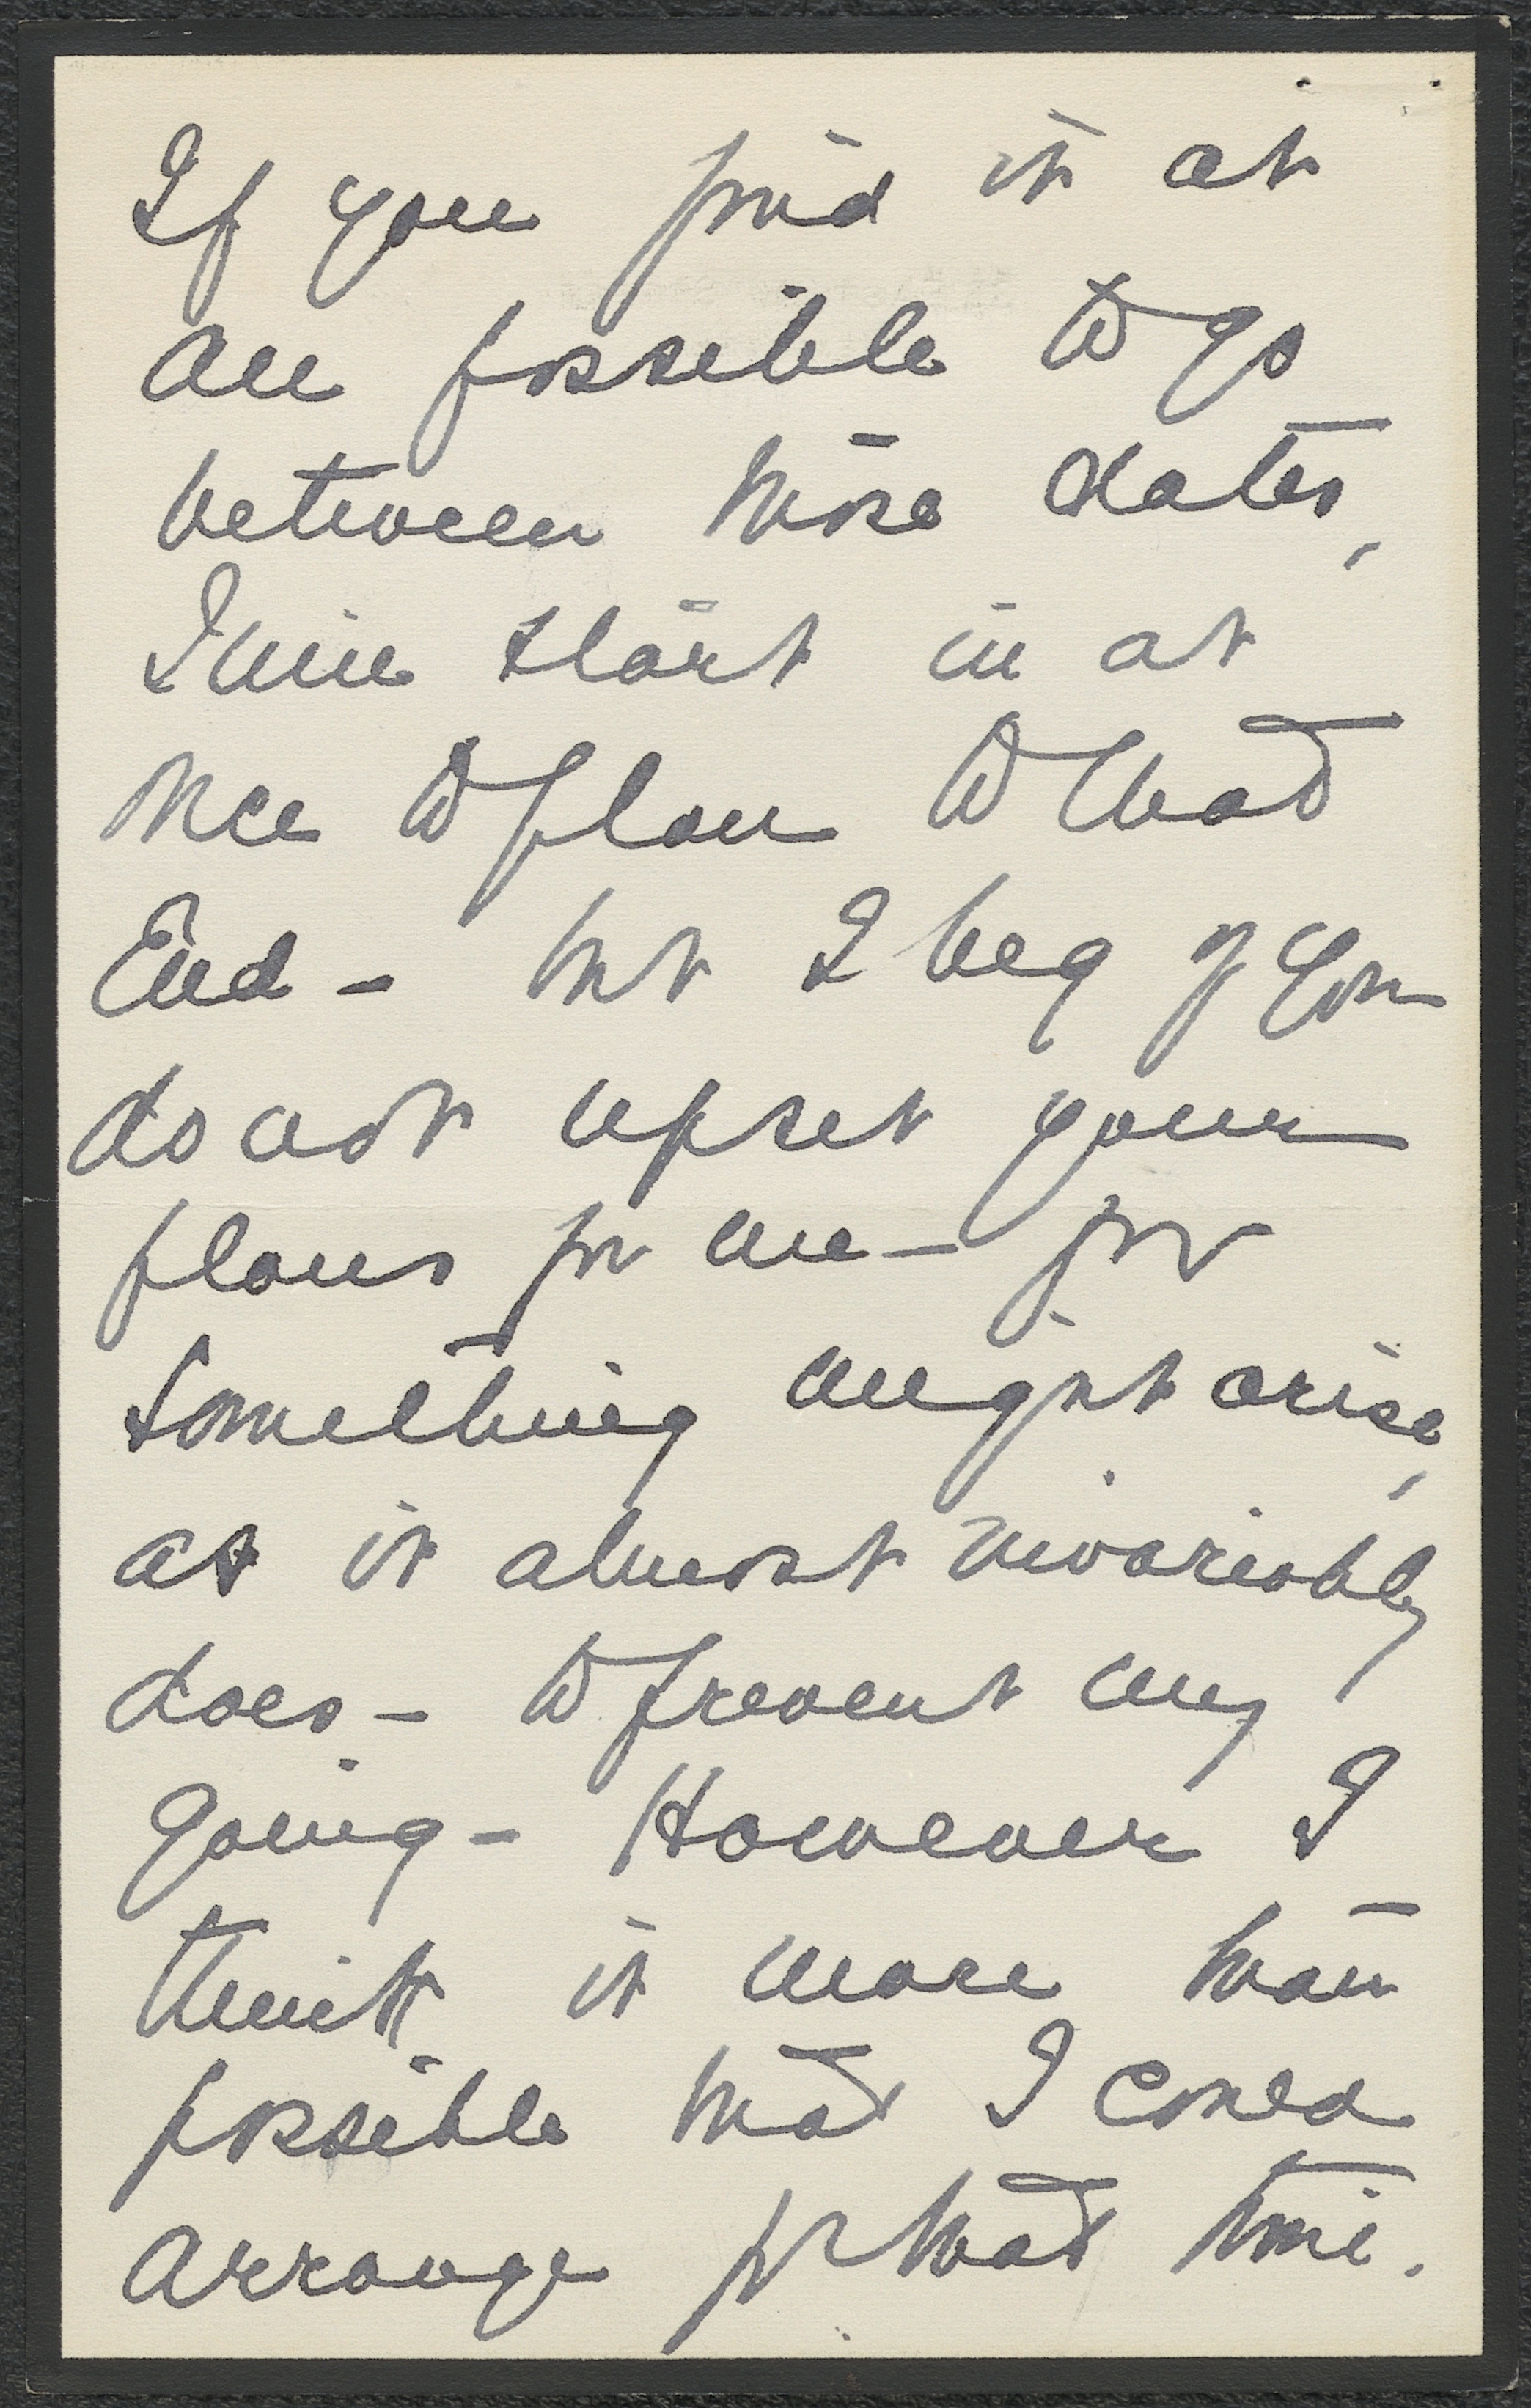If you find it at all possible to go between those dates, I will start in at once to plan to that end – but I beg of you do not upset your plans for me – for something might arise as it almost invariably does – to prevent my going – However I think it more than possible that I could arrange for that time.